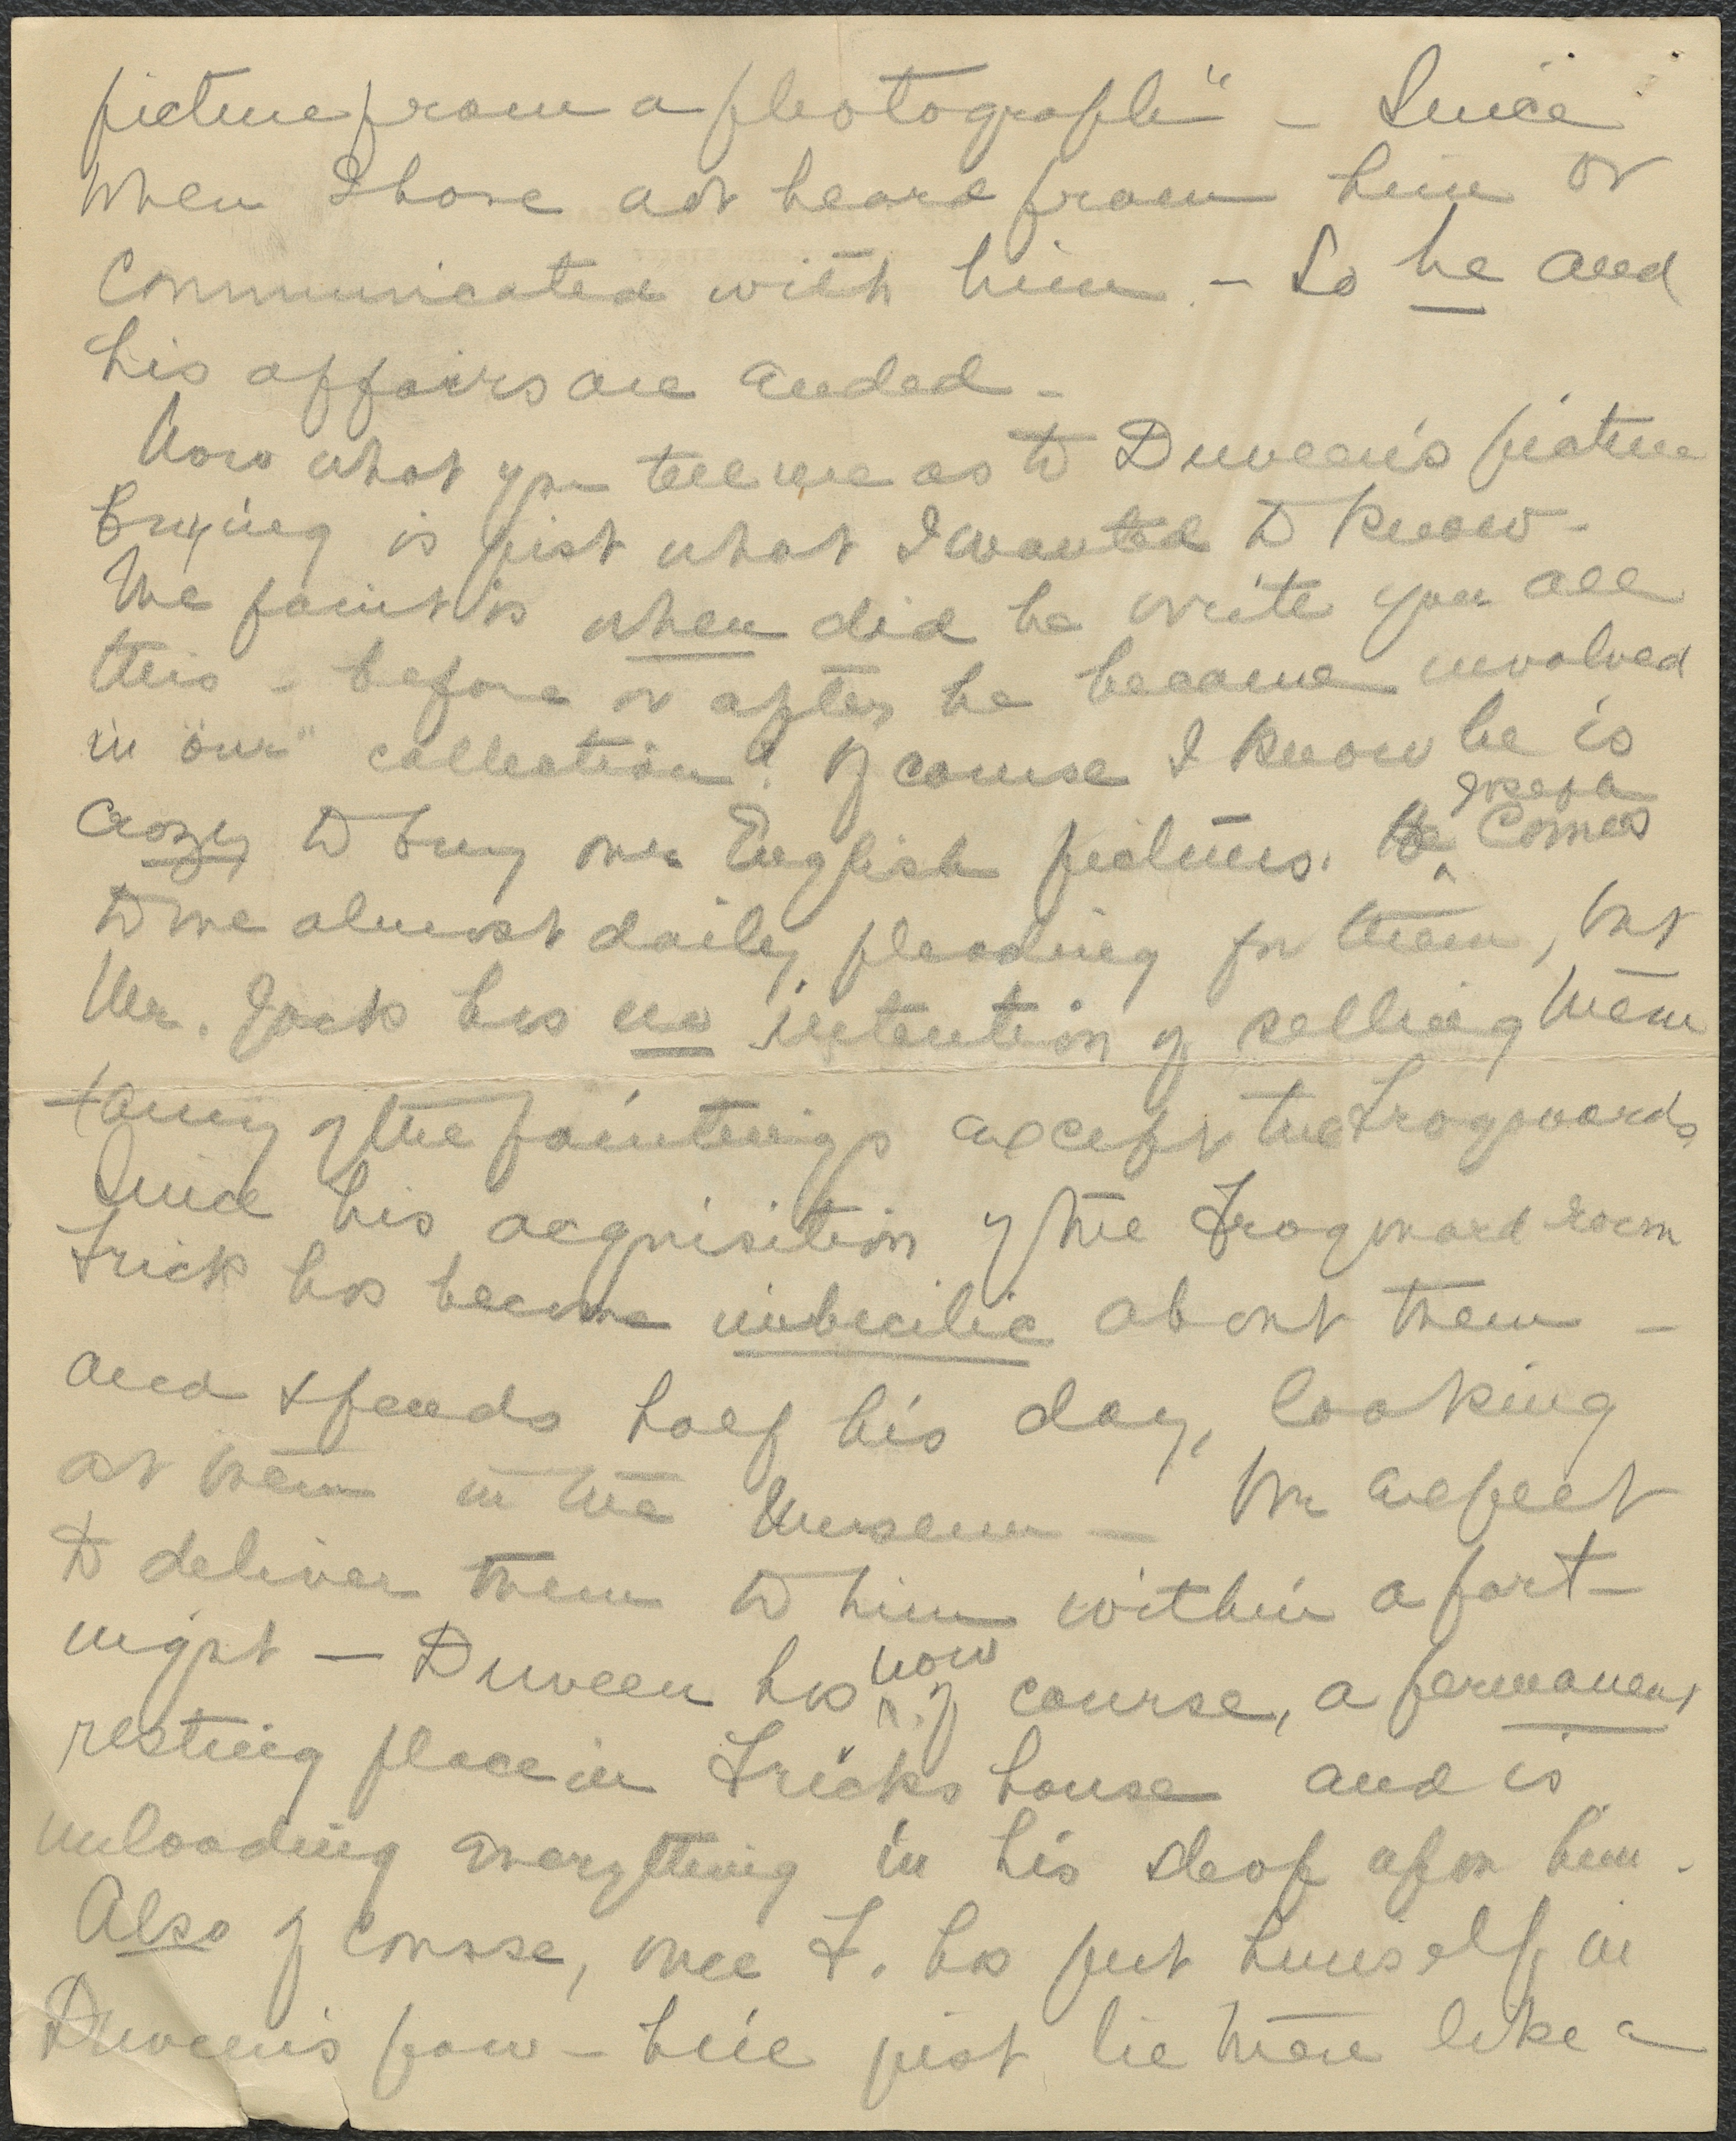picture from a photograph” – since then I have not heard from him or communicated with him – so he and his affairs are ended.
Now what you tell me as to Duveen’s picture buying is just what I wanted to know – the point is when did he write you all this – before or after he became involved in “our” collection? Of course I know he is crazy to buy our English pictures. He [^Joseph^] comes to me almost daily, pleading for them, but Mr. Jack has no intention of selling them & any of the paintings except the Fragonards. Since his acquisition of the Fragonard room Frick has become imbecilic about them – and spends half his day, looking at them in the museum – we expect to deliver them to him within a fortnight – Duveen has [^now^] of course, a permanent resting place in Frick’s house and is unloading everything in his shop upon him. Also of course, Mr F. has put himself in Duveen’s paw – he’ll just lie there like a